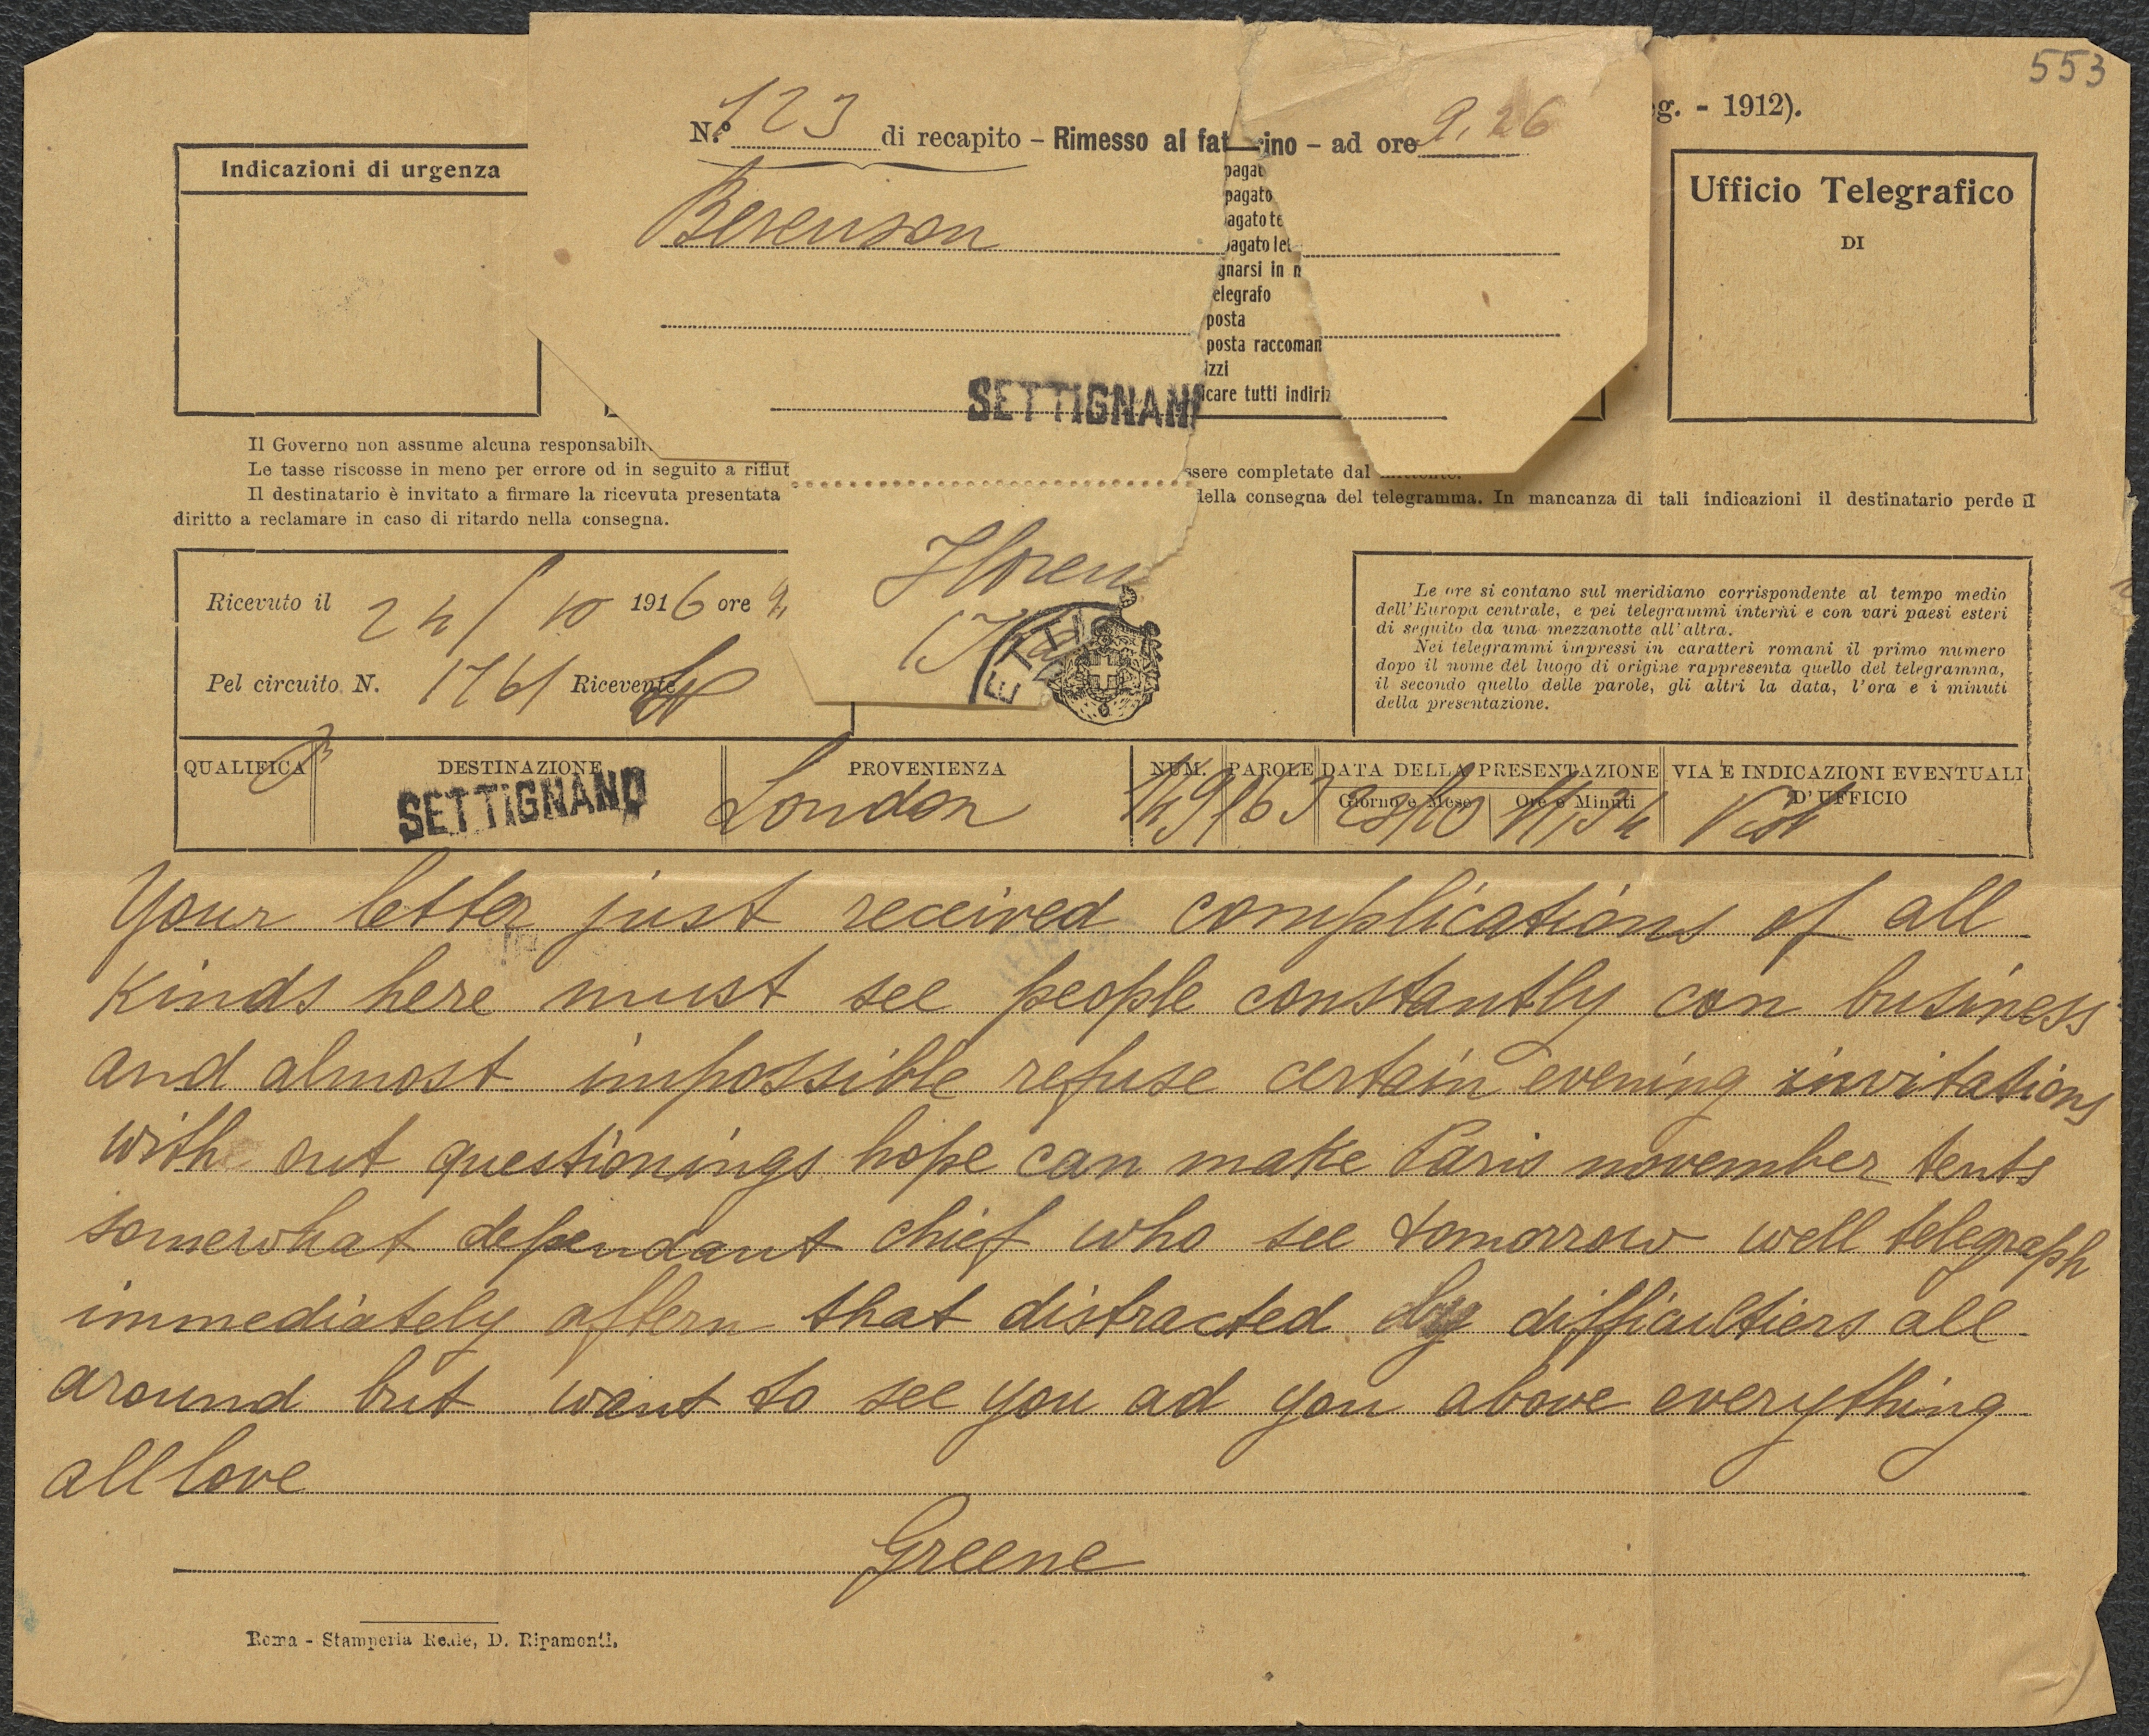Your letter just received complications of all kinds here must see people constantly can business and almost impossible refuse certain evening invitations with out questionings hope can make Paris november [illegible] somewhat dependant [sic] chief who see tomorrow well telegraph immediately aftern [sic] that distracted by difficulties all around but want to see you and you above everything all love
Greene